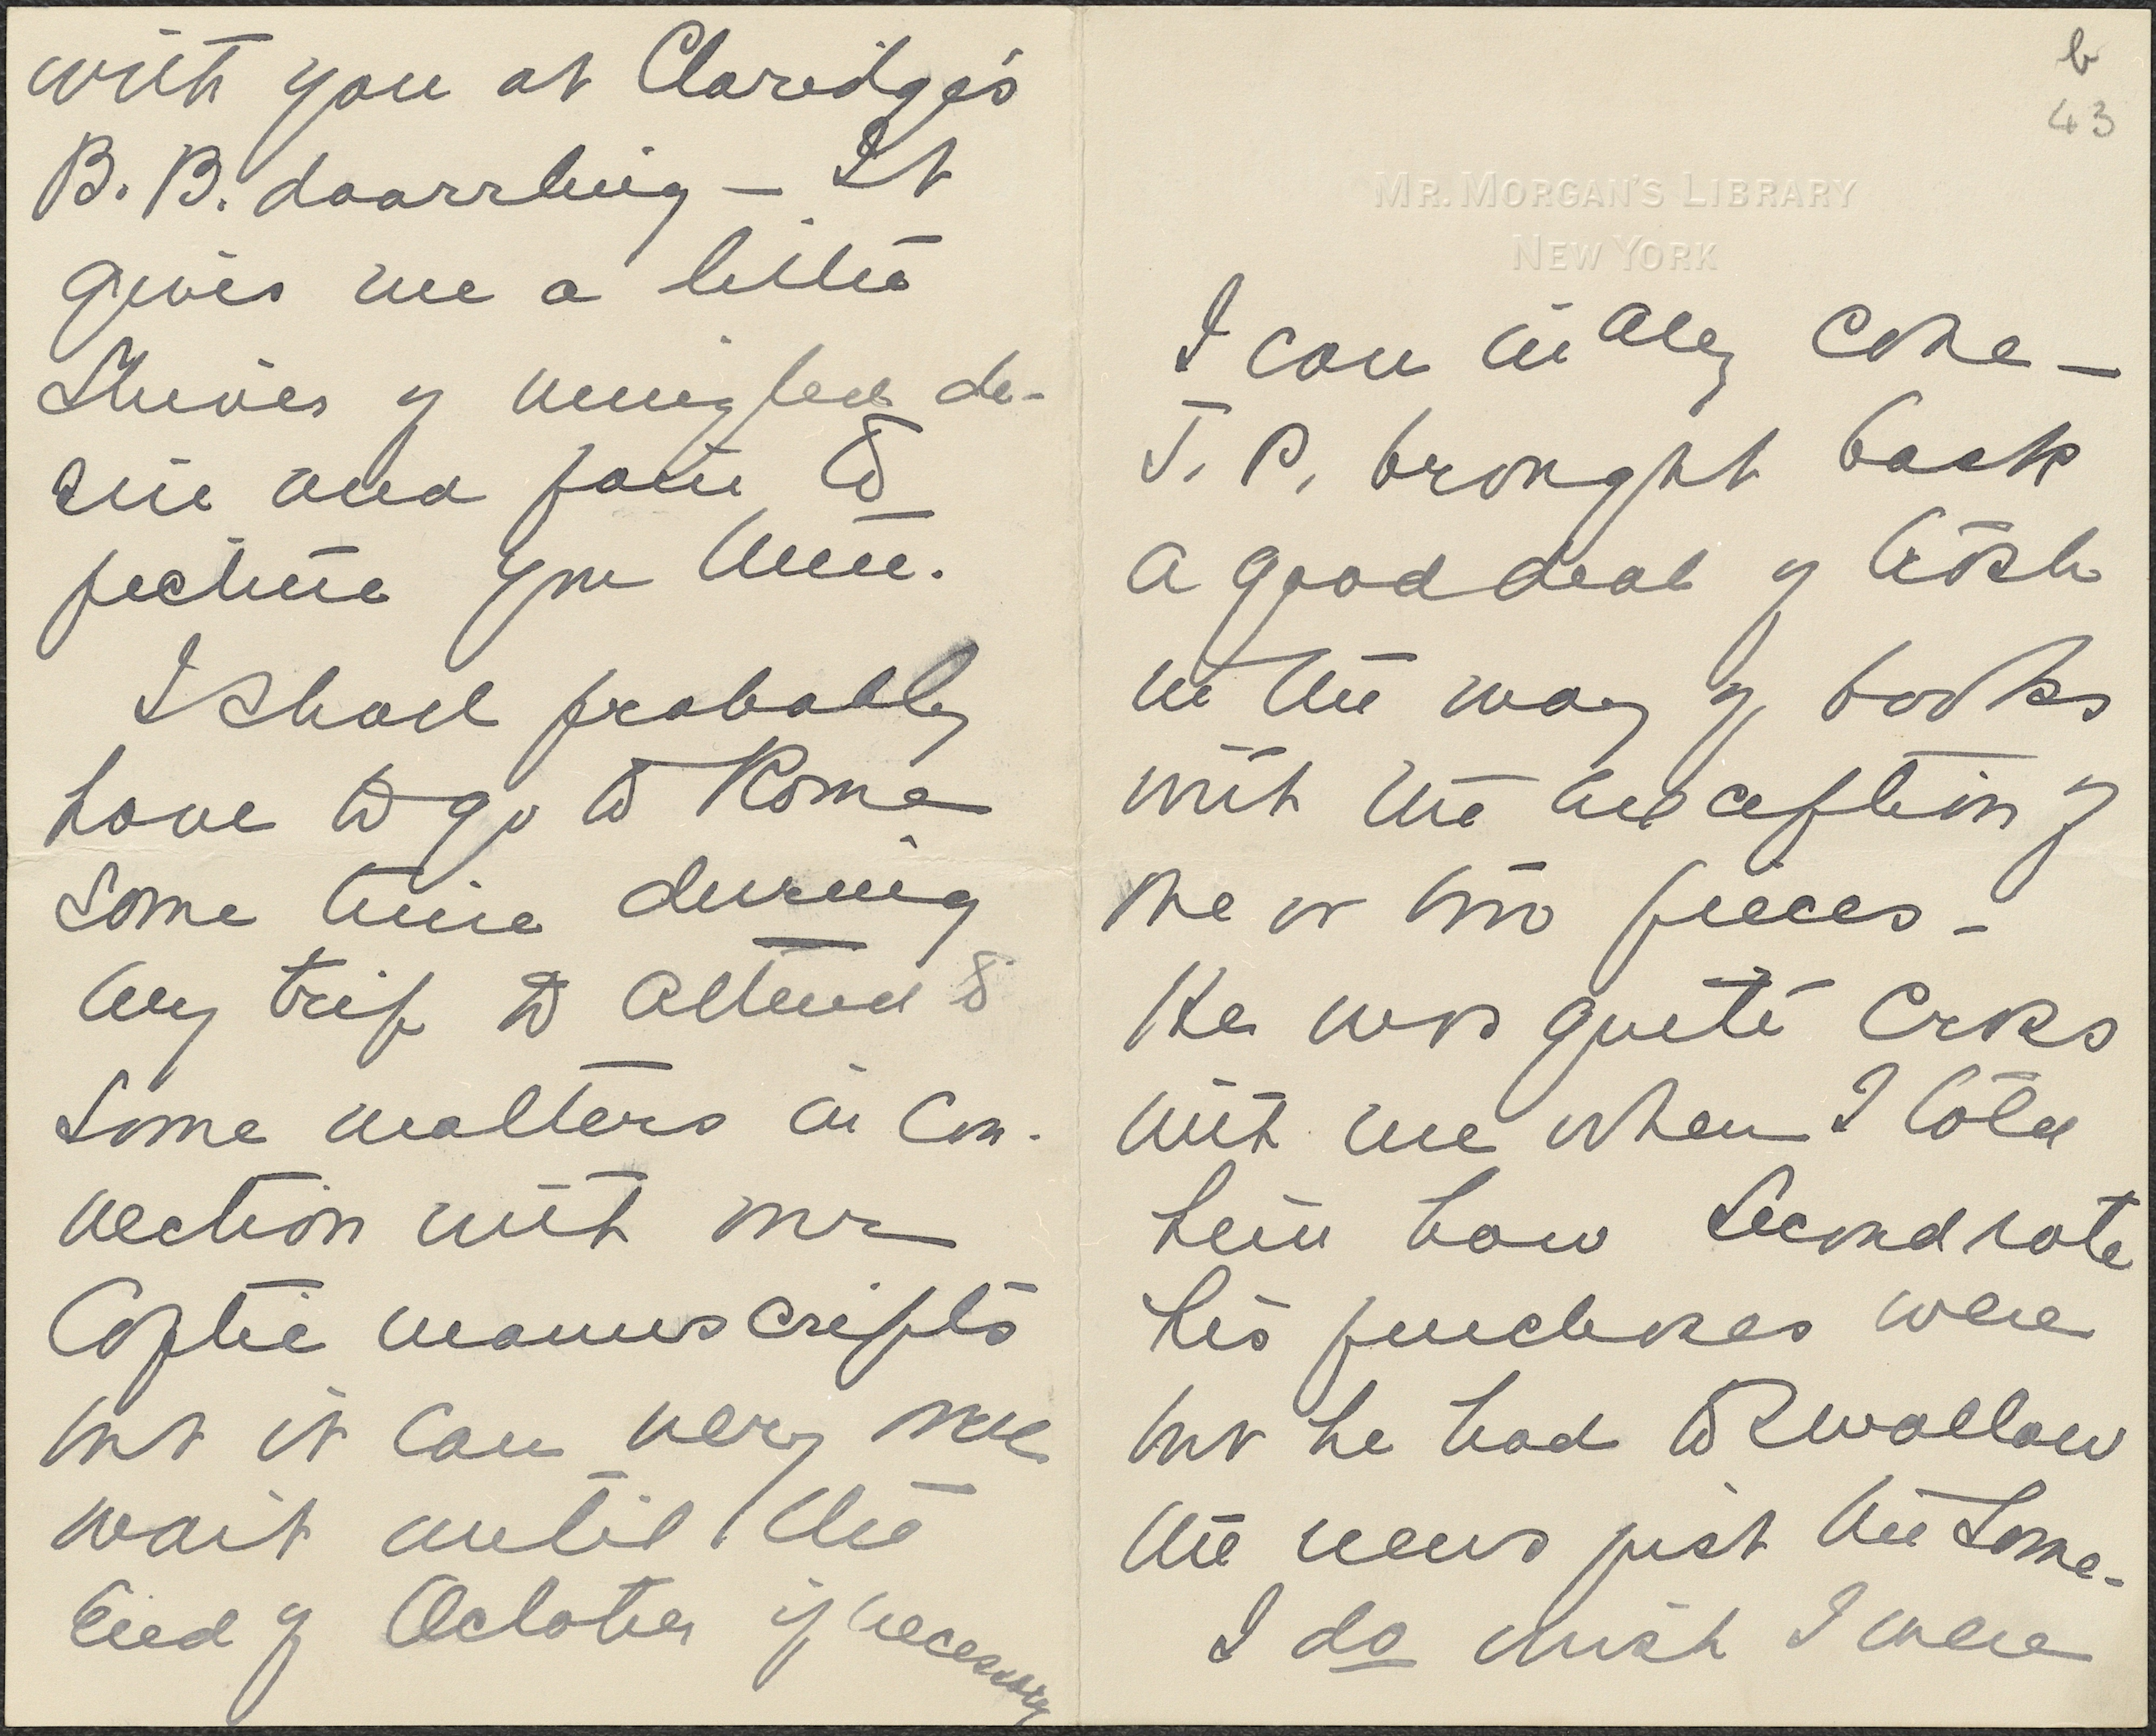I can in any case – J. P. brought back a good deal of trash in the way of books with the exception of one or two pieces – He was quite cross with me when I told him how second rate his purchases were but he had to swallow the news just the same – I do wish I were
with you at Claridge’s B. B. daarrling – It gives me a little shiver of mingled desire and pain to picture you there. I shall probably have to go to Rome some time during my trip to attend to some matters in connection with our Coptic manuscripts but it can very well wait until the end of October if necessary